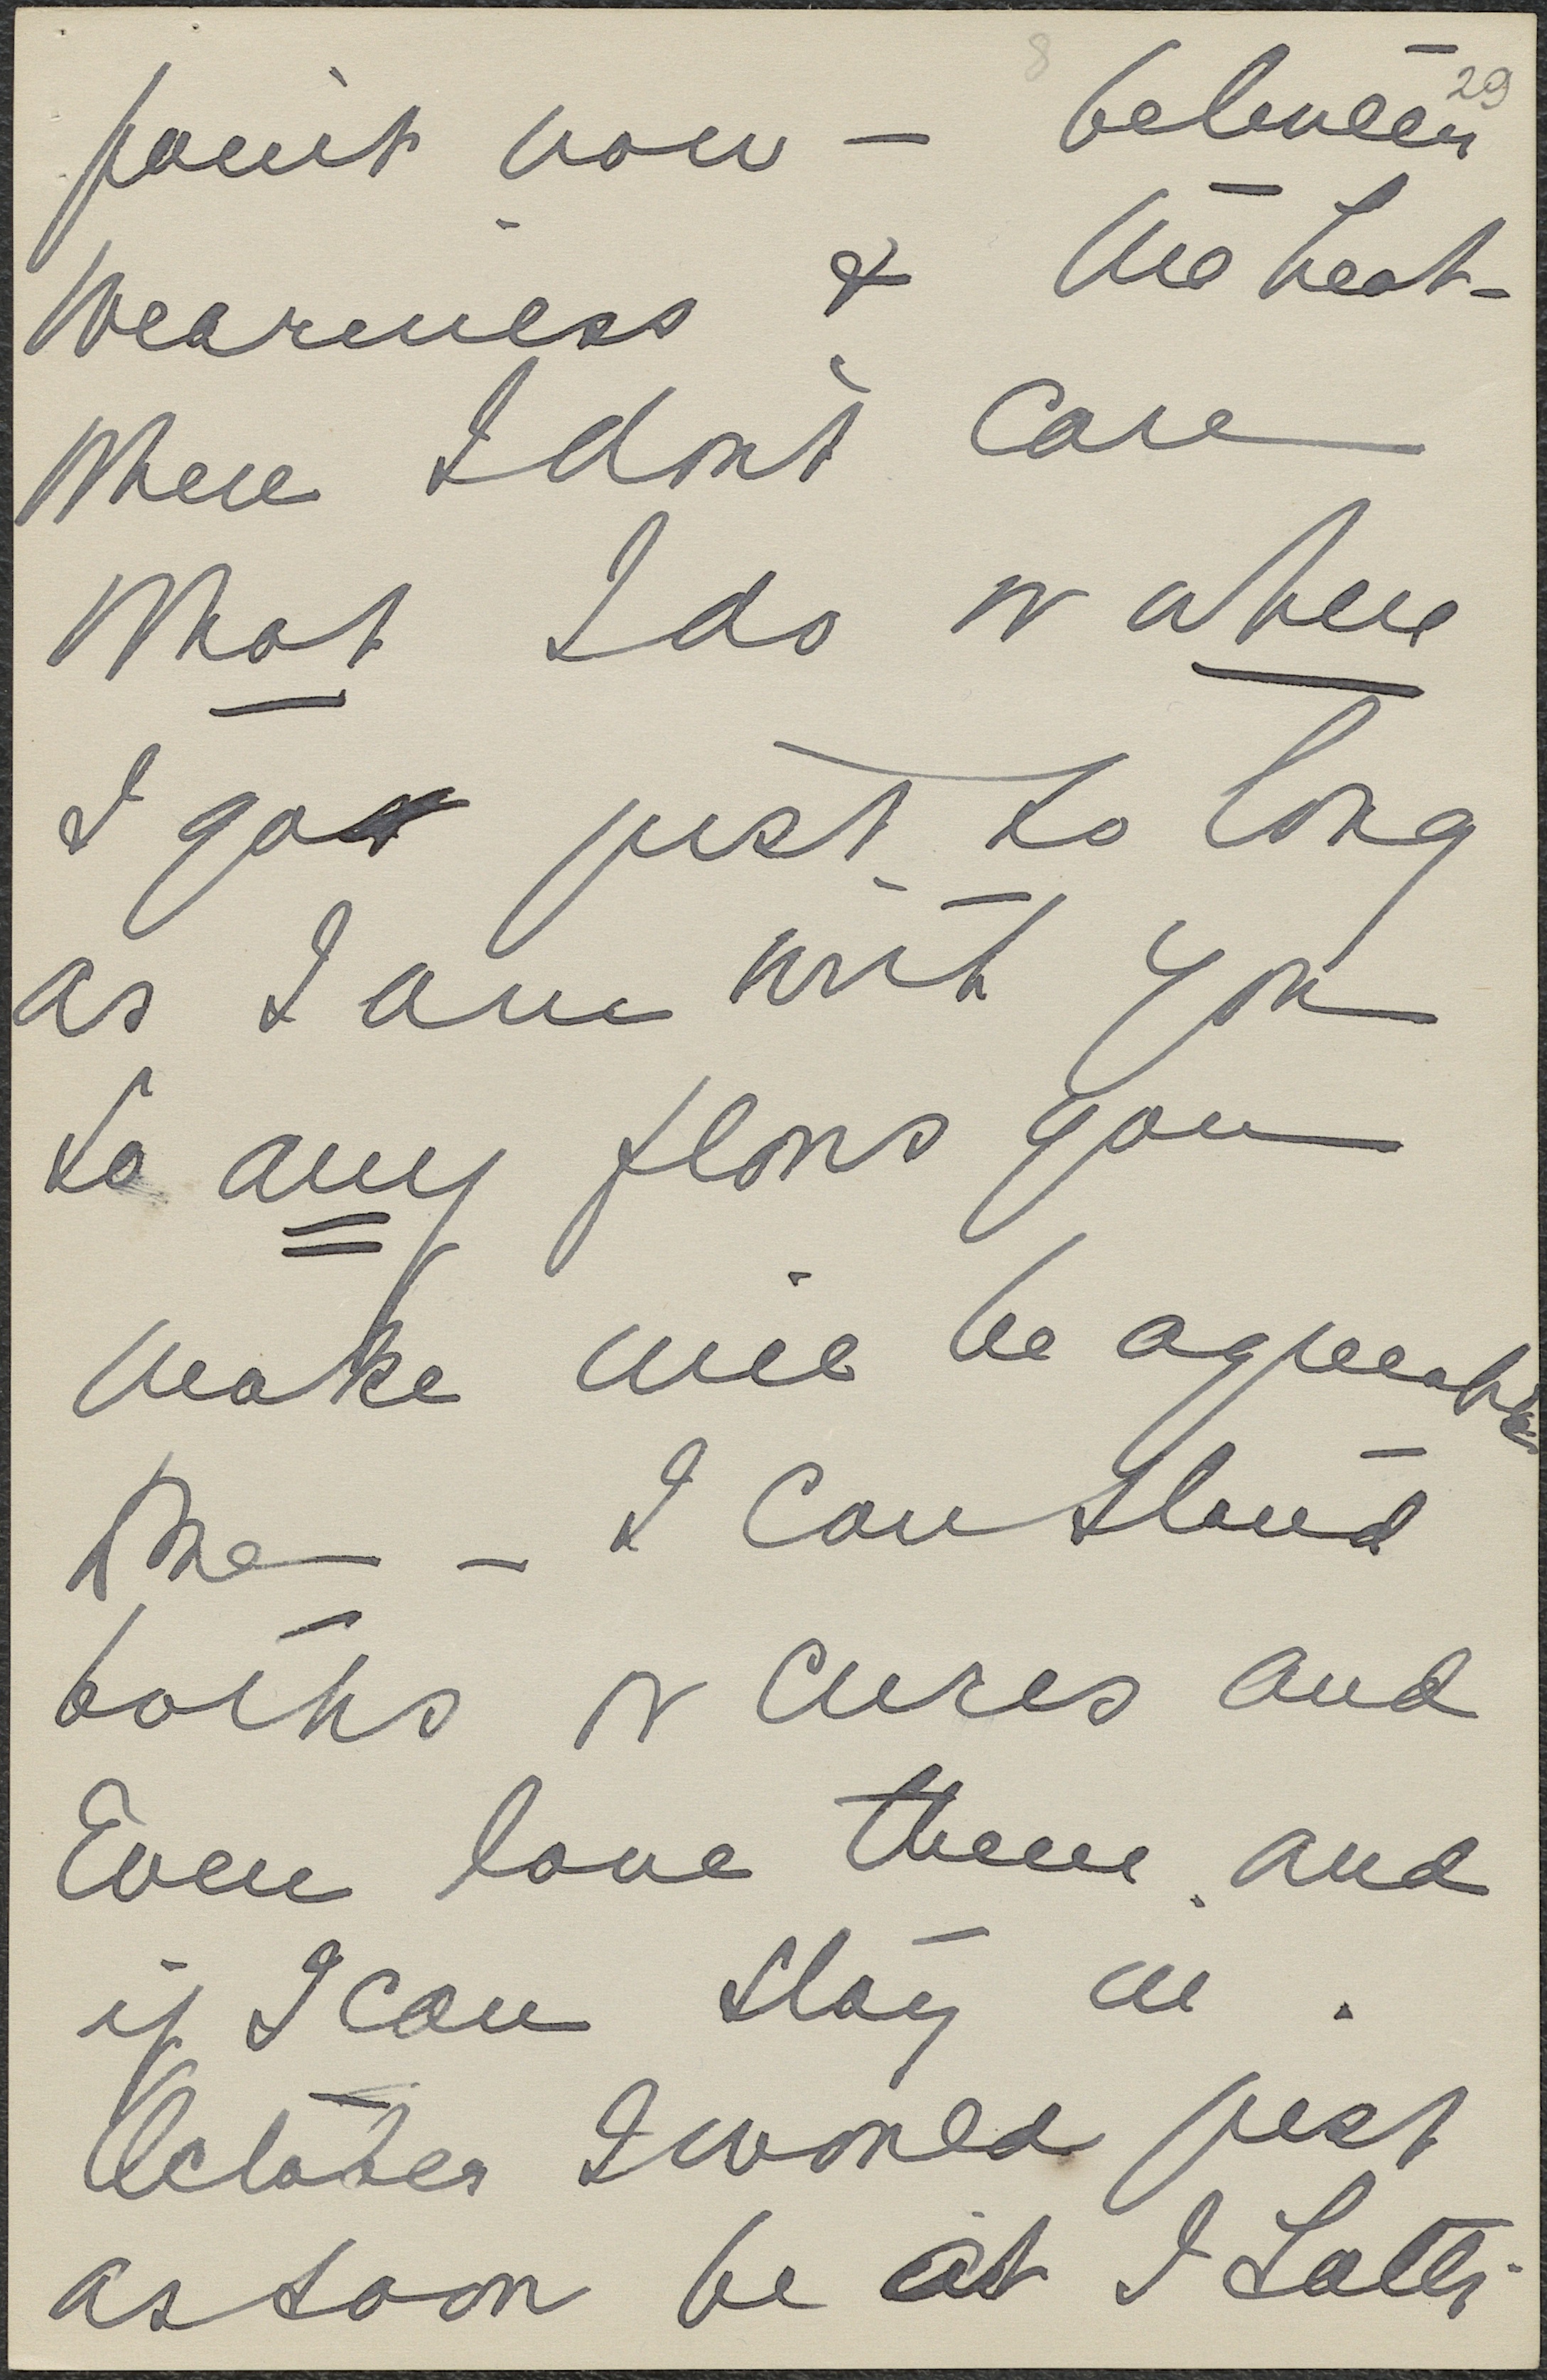point now – between weariness & the heat – where I don’t care what I do or where I got just so long as I am with you so [double underlined: any] plans you make will be agreeable to me – I can stand baths or cures and even love them and if I can stay in October I would just as soon be at I Tatti